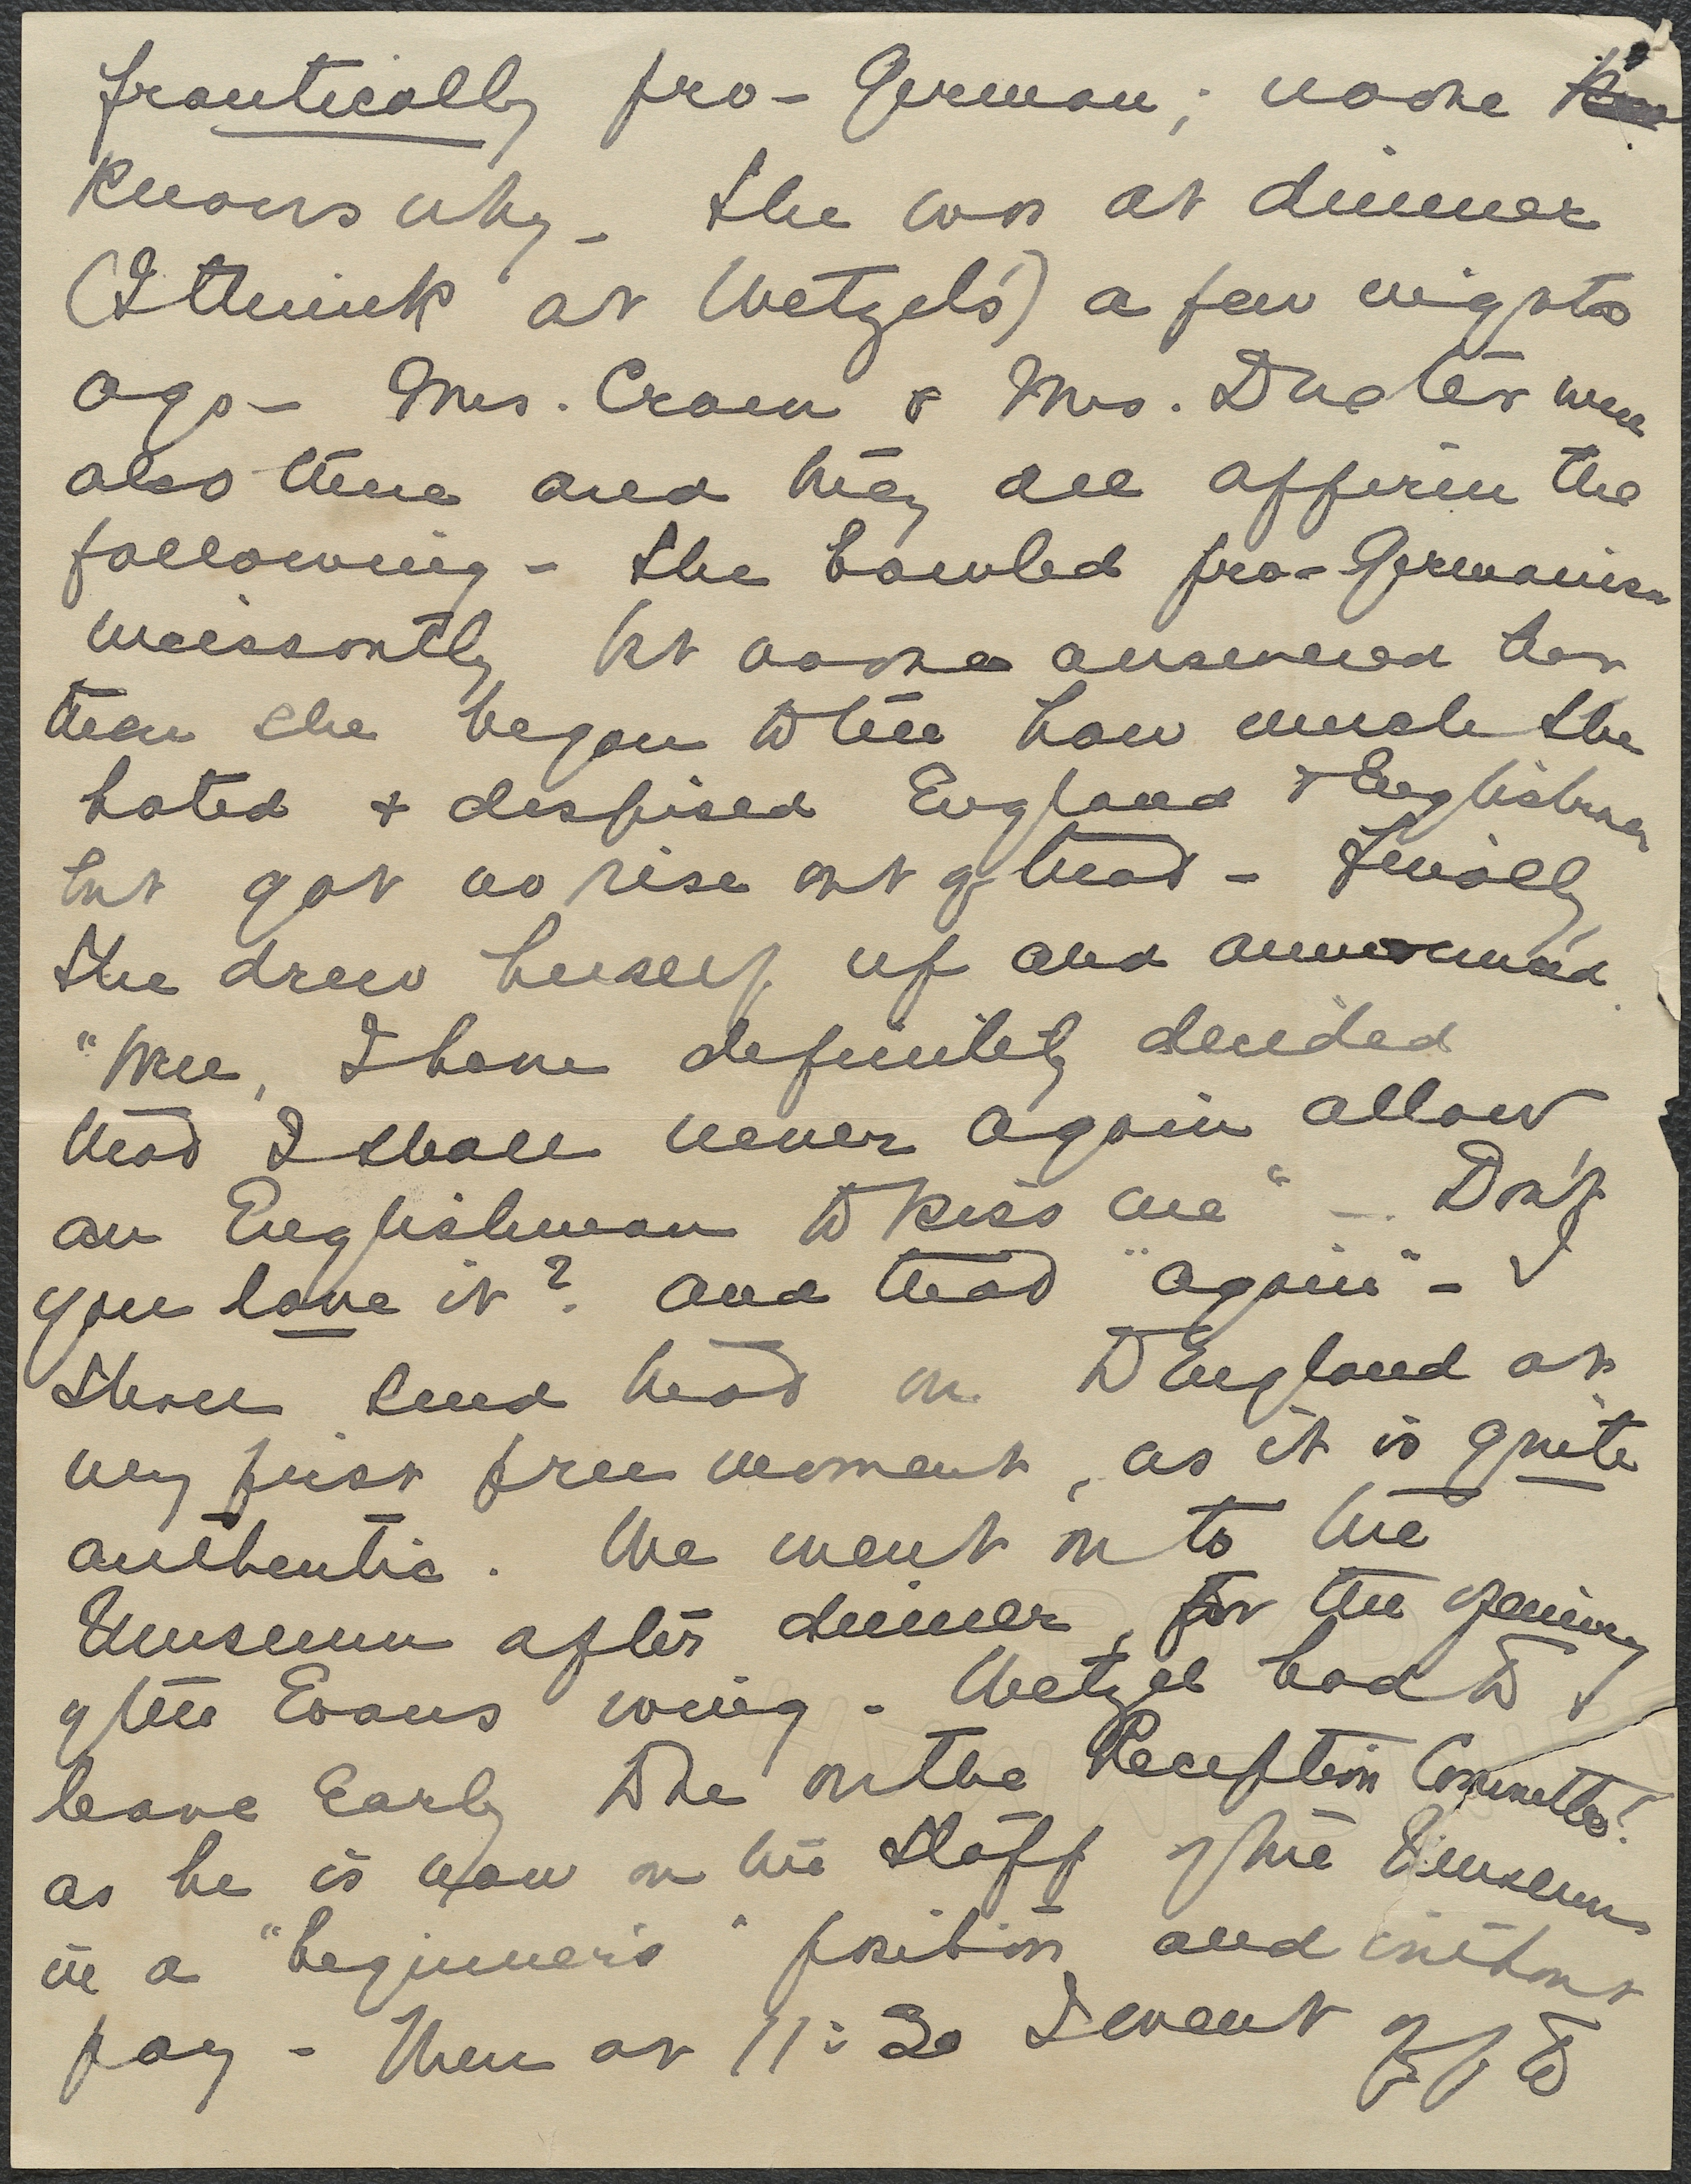frantically pro-German; no one knew knows why – She was at dinner (I think at Wetzel’s) a few nights ago – Mrs. Cram & Mrs. Dexter were also there and they all affirm the following – She howled pro-Germanism incessantly but no one answered her, then she began to tell how much she hated & despised England & Englishmen but got no rise out of that – finally she drew herself up and answered “well, I have definitely decided that I shall never again allow an Englishman to kiss me” – Don’t you love it? and that “again” – I shall send that on to England at my first free moment, as it is quite authentic. We went into the museum after dinner for the opening of the Evans wing. Wetzel had to leave early to be on the Reception Committee! as he is now on the staff of the museum in a “beginner’s” position and without pay – then at 11:30 I went off to